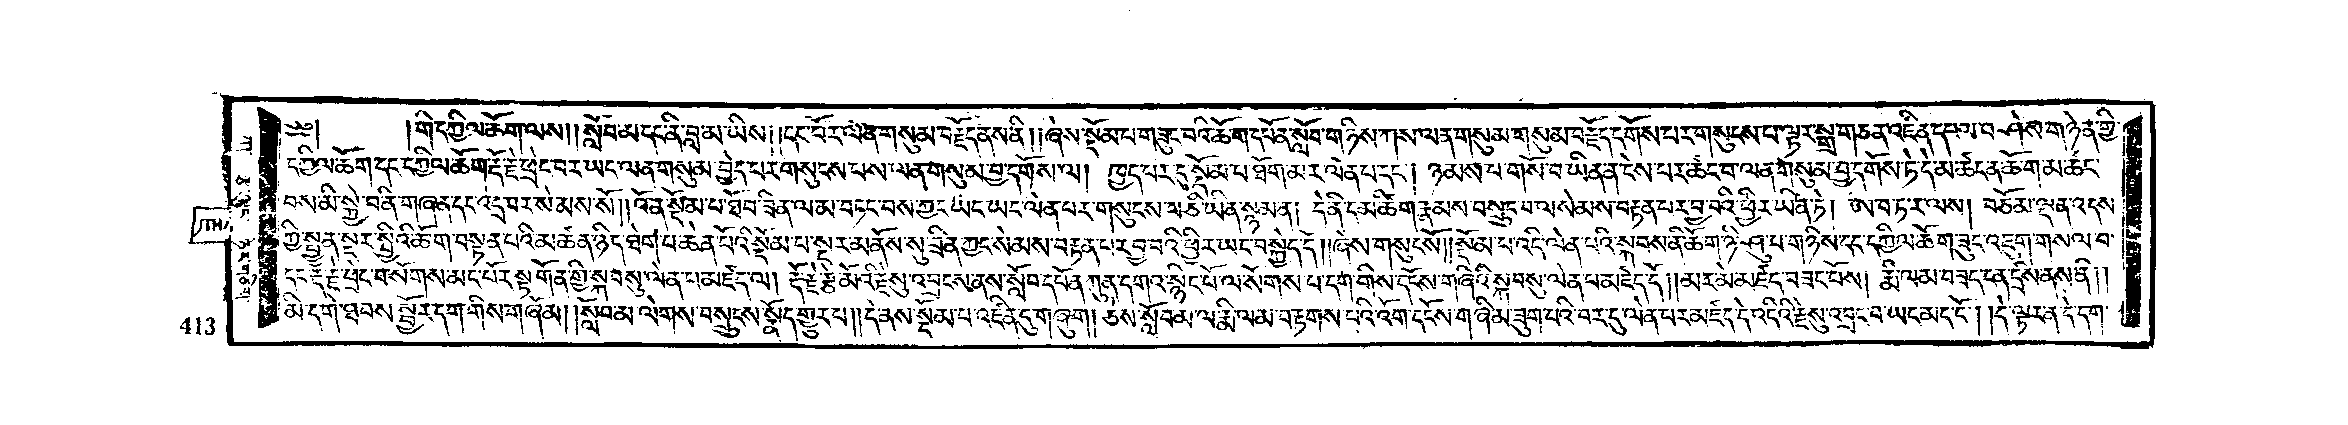༄༅། །གི་དཀྱིལ་ཆོག་ལས། །སློབ་མ་དང་ནི་བླ་མ་ཡིས། །དང་པོར་ལན་གསུམ་བརྗོད་ནས་ནི། །ཞེས་སྡོམ་པ་གཟུང་བའི་ཆོ་ག་དཔོན་སློབ་གཉིས་ཀས་ལན་གསུམ་གསུམ་བརྗོད་དགོས་པར་གསུངས་པ་ལྟར་སྒྲ་གཅན་འཛིན་དཔལ་བཤེས་གཉེན་གྱི་
དཀྱིལ་ཆོག་དང་དཀྱིལ་ཆོག་རྡོ་རྗེ་ཕྲེང་བར་ཡང་ལན་གསུམ་བྱེད་པར་གསུངས་པས་ལན་གསུམ་བྱ་དགོས་ལ། ཁྱད་པར་དུ་སྡོམ་པ་ཐོག་མར་ལེན་པ་དང་། ཉམས་པ་གསོ་བ་ཡིན་ན་ངེས་པར་ཚང་བ་ལན་གསུམ་བྱ་དགོས་ཏེ་དེ་མ་ཚང་ན་ཆོ་ག་མ་ཚང་
བས་མི་སྐྱེ་བ་ནི་གཞན་དང་འདྲ་བར་སེམས་སོ། །འོ་ན་སྡོམ་པ་ཐོབ་ཟིན་ལ་མ་བཏང་བས་ཀྱང་ཡང་ཡང་ལེན་པར་གསུངས་པ་ཅི་ཡིན་སྙམ་ན། དེ་ནི་དམ་ཚིག་རྣམས་བསྲུང་བ་ལ་སེམས་བརྟན་པར་བྱ་བའི་ཕྱིར་ཡིན་ཏེ། ཨ་བ་ཏ་ར་ལས། བཅོམ་ལྡན་འདས་
ཀྱི་སྤྱན་སྔར་སྤྱིའི་ཆོ་ག་བསྟན་པའི་མཚན་ཉིད་ཐེག་པ་ཆེན་པོའི་སྡོམ་པ་སྔར་མནོས་སུ་ཟིན་ཀྱང་སེམས་བརྟན་པར་བྱ་བའི་ཕྱིར་ཡང་བསྐྱེད་དོ། །ཞེས་གསུངས་སོ། །སྡོམ་པ་འདི་ལེན་པའི་སྐབས་ནི་ཆོ་ག་ཉི་ཤུ་པ་གཉིས་དང་དཀྱིལ་ཆོག་ཟུང་འཇུག་གསལ་བ་
དང་རྡོ་རྗེ་ཕྲེང་བ་སོགས་མང་པོར་སྟ་གོན་གྱི་སྐབས་སུ་ལེན་པ་མཛད་ལ། རྡོ་རྗེ་རྩེ་མོའི་རྗེས་སུ་འབྲངས་ནས་སློབ་དཔོན་ཀུན་དགའ་སྙིང་པོ་ལ་སོགས་པ་དག་གིས་དངོས་གཞིའི་སྐབས་སུ་ལེན་པ་མཛད་དོ། །མར་མེ་མཛད་བཟང་པོས། རྨི་ལམ་བཟད་ངན་དྲིས་ནས་ནི།།
མི་དགེ་ཐབས་སྦྱོར་དག་གིས་གཞོམ། །སློབ་མ་ལེགས་བསྲུངས་སྣོད་གྱུར་པ། །དེ་ནས་སྡོམ་པ་འཛིན་དུ་གཞུག། ཅེས་སློབ་མ་ལ་རྨི་ལམ་བརྟགས་པའི་འོག་དངོས་གཞི་མ་ཟུག་པའི་བར་དུ་ལེན་པར་མཛད་དེ་འདིའི་རྗེས་སུ་འབྲང་བ་ཡང་མང་ངོ། །དེ་ལྟར་ན་དེ་དག་